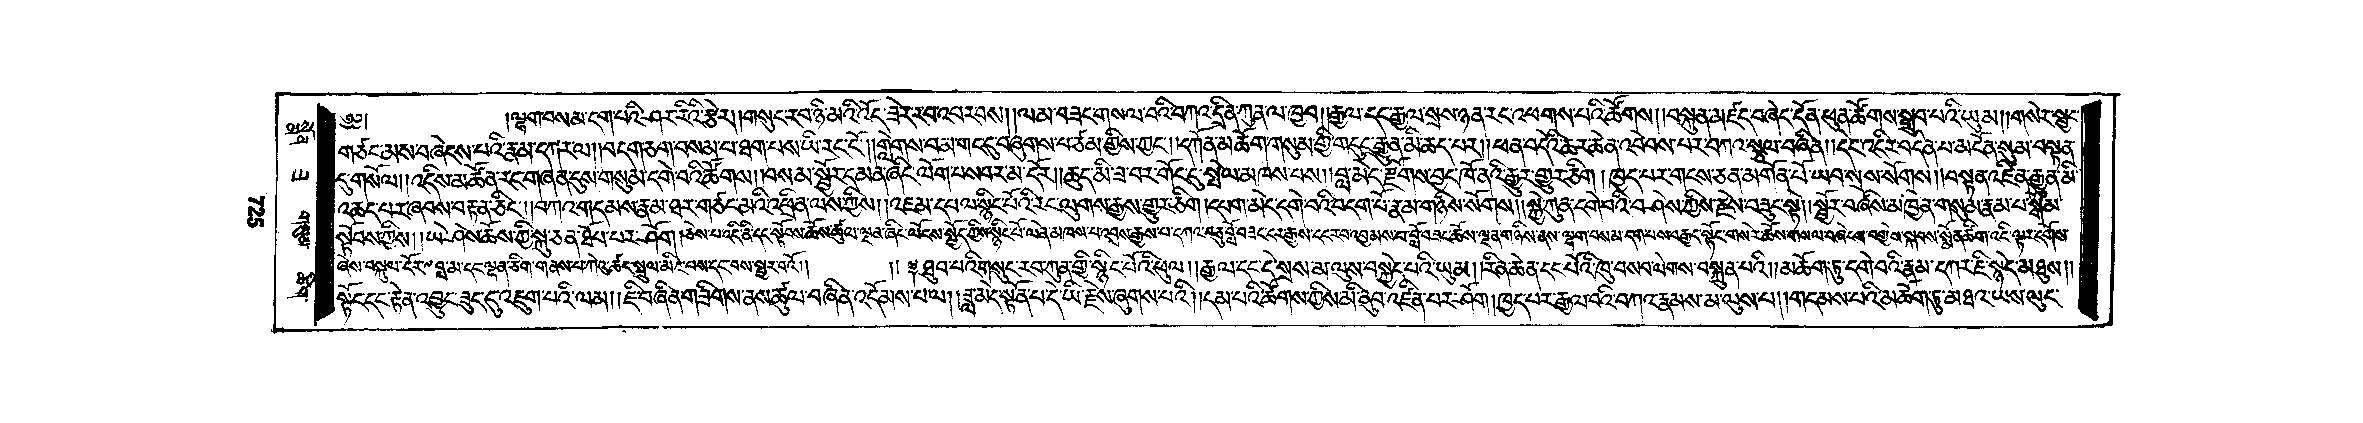༄༅། །ལྷག་བསམ་དག་པའི་ཤར་རིའི་རྩེར། །གསུང་རབ་ཉི་མའི་འོད་ཟེར་རབ་འབར་བས། །ལམ་བཟང་གསལ་བའི་བཀའ་དྲིན་ཀུན་ལ་ཁྱབ། །རྒྱལ་དང་རྒྱལ་སྲས་ཉན་རང་འཕགས་པའི་ཚོགས། །བསྐུན་མཛད་བཞེད་དོན་ཕུན་ཚོགས་སྒྲུབ་པའི་ཡུམ། །གསེར་སྦྱང་
གཙང་མས་བཞེངས་པའི་རྣམ་དཀར་ལ། །བདག་ཅག་བསམ་པ་ཐག་པས་ཡི་རང་ངོ། །གླེགས་བམ་གང་དུ་བཞུགས་པ་ཙམ་གྱིས་ཀྱང་། །དཀོན་མཆོག་གསུམ་གྱི་གདུང་རྒྱུན་མི་ཆད་པར། །ཕན་བདེའི་ཆར་ཆེན་འབེབས་པར་བཀའ་སྩལ་བཞིན། །དེང་འདིར་བདེན་པ་མངོན་སུམ་བསྟན་
དུ་གསོལ། །འདིས་མཚོན་རང་གཞན་དུས་གསུམ་དགེ་བའི་ཚོགས། །བསམ་སྦྱོར་དམན་ཞིང་ལོག་པས་བར་མ་དོར། །ཆུད་མི་ཟ་བར་གོང་དུ་སྤེལ་མཁས་པས། །བླ་མེད་རྫོགས་བྱང་ཁོ་ནའི་རྒྱུར་གྱུར་ཅིག །ཁྱད་པར་གངས་ཅན་མགོན་པོ་ཡབ་སྲས་སོགས། །བསྟན་འཛིན་རྒྱུན་མི་
འཆད་པར་ཞབས་བརྟན་ཅིང་། །བཀའ་གདམས་རྣམ་ཐར་གཙང་མའི་འཕྲིན་ལས་ཀྱིས། །འཇམ་དཔལ་སྙིང་པོའི་རང་ལུགས་རྒྱས་གྱུར་ཅིག །དཔག་མེད་དགེ་བའི་བདག་པོ་རྣམ་གཉིས་སོགས། །སྐྱེ་ཀུན་དགེ་བའི་བཤེས་ཀྱིས་རྗེས་བཟུང་སྟེ། །སྦྱོར་བཞིས་མཁྱེན་གསུམ་རྣམ་པ་སྒོམ་
སྟོབས་ཀྱིས། །ཡེ་ཤེས་ཆོས་ཀྱི་སྐུ་ཅན་ཐོབ་པར་ཤོག །ཅེས་པ་འདི་ནི་དང་སྟོབས་ཆོས་ཚུལ་ལྡན་ཞིང་ལོངས་སྤྱོད་ཀྱིས་སྙིང་པོ་ལེན་མཁས་པ་འབྲས་རྒྱས་པ་དཀའ་བཅུ་བློ་བཟང་དར་རྒྱས་དང་རབ་འབྱམས་པ་བློ་བཟང་ཆོས་ལྡན་གཉིས་ནས་ལྷག་བསམ་དག་པས་བརྒྱད་སྟོང་གསེར་ཆོས་གསལ་བཞེངས་བགྱེས་སྐབས་སྨོན་ཚིག་འདི་ལྟར་དགོས་
ཞེས་བསྐུལ་ངོར་བླ་མ་དང་ལྷན་ཅིག་གནས་པ་ཀེའུ་ཚང་སྤྲུལ་མིང་བས་དང་བས་སྦྱར་བའོ།། །།༈ ཐུབ་པའི་གསུང་རབ་ཀུན་གྱི་སྙིང་པོའི་ཕུལ། །རྒྱལ་དང་དེ་སྲས་མ་ལུས་བསྐྱེད་པའི་ཡུམ། །རིན་ཆེན་དང་པོའི་ཁུ་བསབ་ལེགས་བསྐྲུན་པའི། །མཆོག་ཏུ་དགེ་བའི་རྣམ་དཀར་ཇི་སྙེད་མཐུས། །
སྟོང་དང་རྟེན་འབྱུང་ཟུང་དུ་འཇུག་པའི་ལམ། །ཇི་བཞིན་གཟིགས་ནས་ཚུལ་བཞིན་འདོམས་པ་ལ། །ཟླ་མེད་སྟོན་པ་དེ་ཡི་རྗེས་ཞུགས་པའི། །དམ་པའི་ཚོགས་ཀྱིས་མི་ནུབ་འཛིན་པར་ཤོག །ཁྱད་པར་རྒྱལ་བའི་བཀའ་རྣམས་མ་ལུས་པ། །གདམས་པའི་མཆོག་ཏུ་མཐའ་ཡས་ལུང་